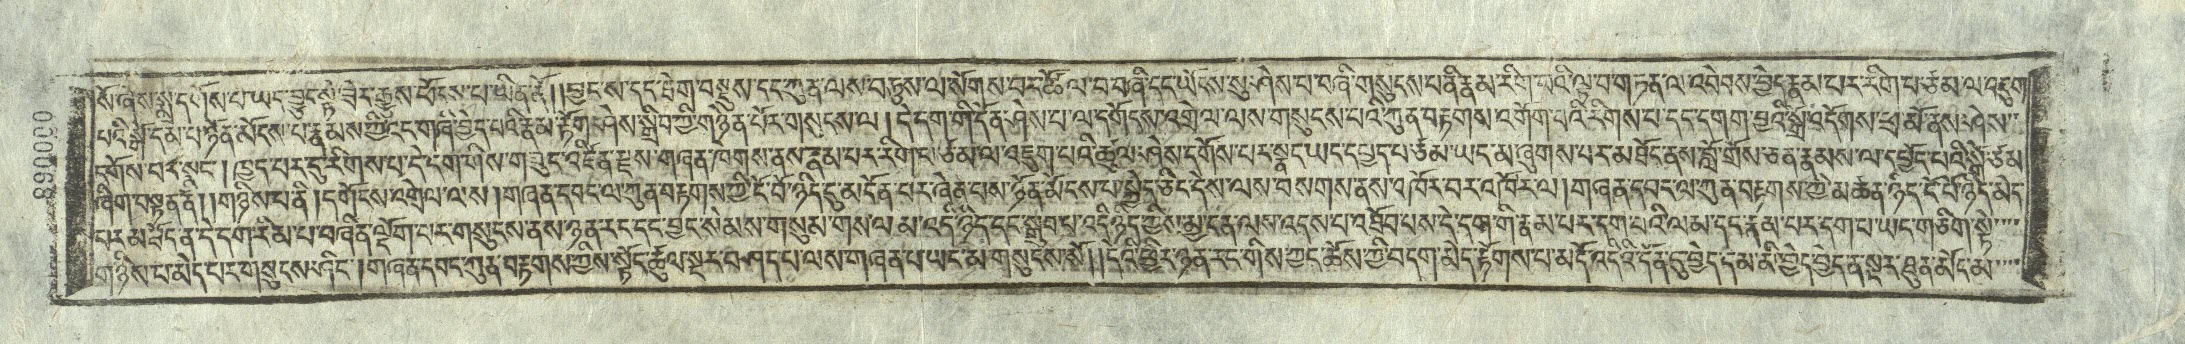སོ་ཞེས་སྨྲ་དགོས་པ་ཡང་བྱུང་སྟེ་ཟེར་རྒྱུས་ཕོངས་པ་ཡིན་ནོ། །བྱང་ས་དང་ཐེག་བསྡུས་དང་ཀུན་ལས་བཏུས་ལ་སོགས་པར་ཚོལ་བ་བཞི་དང་ཡོངས་སུ་ཤེས་པ་བཞི་གསུངས་པ་ནི་རྣམ་རིག་པའི་ལྟ་བ་གཏན་ལ་འབེབས་བྱེད་རྣམ་པར་རིག་པ་ཙམ་ལ་འཇུག་
པའི་སྒོ་དམ་པ་ཉོན་མོངས་པ་རྣམས་ཀྱིའང་གཞི་བྱེད་པའི་རྣམ་རྟོག་ཤེས་སྒྲིབ་ཀྱི་གཉེན་པོར་གསུངས་ལ། དེ་དག་གི་དོན་ཤེས་པ་ལ་དགོངས་འགྲེལ་ལས་གསུངས་པའི་ཀུན་བརྟགས་འགོག་པའི་རིགས་པ་དང་དགག་བྱའི་སྒྲོ་འདོགས་ཕྲ་མོ་ནས་ཤེས་
དགོས་པར་སྣང་། ཁྱད་པར་དུ་རིགས་པ་དེ་དག་གིས་གཟུང་འཛིན་རྫས་གཞན་ཁེགས་ནས་རྣམ་པར་རིག་པ་ཙམ་ལ་འཇུག་པའི་ཚུལ་ཤེས་དགོས་པར་སྣང་ཡང་དཔྱོད་པ་ཙམ་ཡང་མ་ཞུགས་པར་མཐོང་ནས་བློ་གྲོས་ཅན་རྣམས་ལ་དཔྱོད་པའི་སྒོ་ཙམ་
ཞིག་བསྟན་ནོ། །གཉིས་པ་ནི། དགོངས་འགྲེལ་ལས། གཞན་དབང་ལ་ཀུན་བརྟགས་ཀྱི་ངོ་བོ་ཉིད་དུ་མངོན་པར་ཞེན་པས་ཉོན་མོངས་པ་སྐྱེད་ཅིང་དེས་ལས་བསགས་ནས་འཁོར་བར་འཁོར་ལ། གཞན་དབང་ལ་ཀུན་བརྟགས་ཀྱི་མཚན་ཉིད་ངོ་བོ་ཉིད་མེད་
པར་མཐོང་ན་དེ་དག་རིམ་པ་བཞིན་ལྡོག་པར་གསུངས་ནས་ཉན་རང་དང་བྱང་སེམས་གསུམ་གསལ་མ་འདི་ཉིད་དང་སྒྲུབ་པ་འདི་ཉིད་ཀྱིས་མྱ་ངན་ལས་འདས་པ་འཐོབ་པས་དེ་དག་གི་རྣམ་པར་དག་པའི་ལམ་དང་རྣམ་པར་དག་པ་ཡང་གཅིག་སྟེ་
གཉིས་པ་མེད་པར་གསུངས་ཤིང་། གཞན་དབང་ཀུན་བརྟགས་ཀྱིས་སྟོང་ཚུལ་སྔར་བཤད་པ་ལས་གཞན་པ་ཡང་མ་གསུངས་སོ། །དེའི་ཕྱིར་ཉན་རང་གིས་ཀྱང་ཆོས་ཀྱི་བདག་མེད་རྟོགས་པ་མདོ་འདིའི་དོན་དུ་བྱེད་དམ་མི་བྱེད་བྱེད་ན་སྔར་ཐུན་མོང་མ་